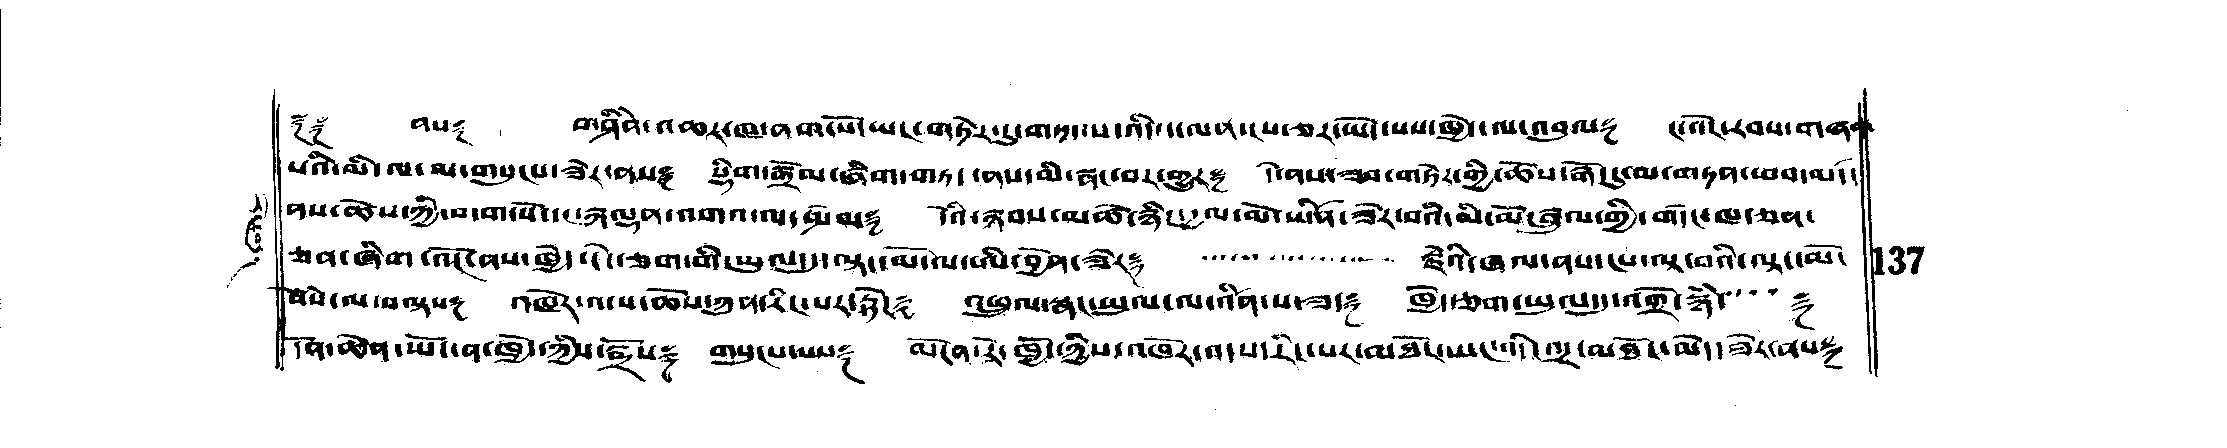ནས། གཤིན་རྗེ་འཆར་ཁ་ནག་པོ་ཡང་གཏེར་དུ་གཏད་པ་འདི་ད་ལན་ངས་རྩར་ཡོད་པས་ཁྱེད་ལ་འབུལ། ང་འོང་རབས་གཞན་
པའི་མི་ལ་མ་གསུངས་ཟེར་ནས། སྡིག་སྒྲོམ་ཞིག་གཏད་ནས་མི་སྣང་བར་གྱུར། དེ་ནས་ཟབ་གཏེར་གྱི་ཆོས་སྒོ་དུ་མ་གཏན་ཕབ་མཛད་
ནས་ཆོས་ཀྱི་བདག་པོ་དང་སྐལ་ལྡན་འགའ་ལ་སྤེལ། དེའི་སྐབས་མཚོ་རྙིང་༼སྙིང་?༽རྒྱལ་མོ་ཡིན་ཟེར་བའི་མི་མོ་སྦྲུལ་གྱི་གདོང་ཁ་ཅན་
ཅན་ཞིག་འོང་ནས་ཁྱེད་ངེད་ཅག་གི་ཡུལ་དུ་ལྟད་མོ་ལ་ཨི་བྱོན་ཟེར། རྗེའི་ཞལ་ནས་ངས་ལྟ་བའི་ལྟད་མོ་
སེམས་ལ་བལྟས། འཁོར་འདས་ཆོས་ཀུན་རིགས་པར་རྟོགས། འཁྲུལ་སྣང་ཡུལ་ལ་འཛིན་པ་ཟད། ཁྱོད་ཅག་ཡུལ་དུ་འགྲོ་སྙམ། 
དོན་ཆེན་ཡོད་ན་ཁྱོད་ཀྱིས་སྨྲོས། གསུངས་པས། མོ་ན་རེ་ཁྱོད་ཀྱིས་འཁོར་འདས་རིག་པར་མཐོང་ཡང་འདི་འདྲ་མཐོང་མེད་ཟཻར་ནས།